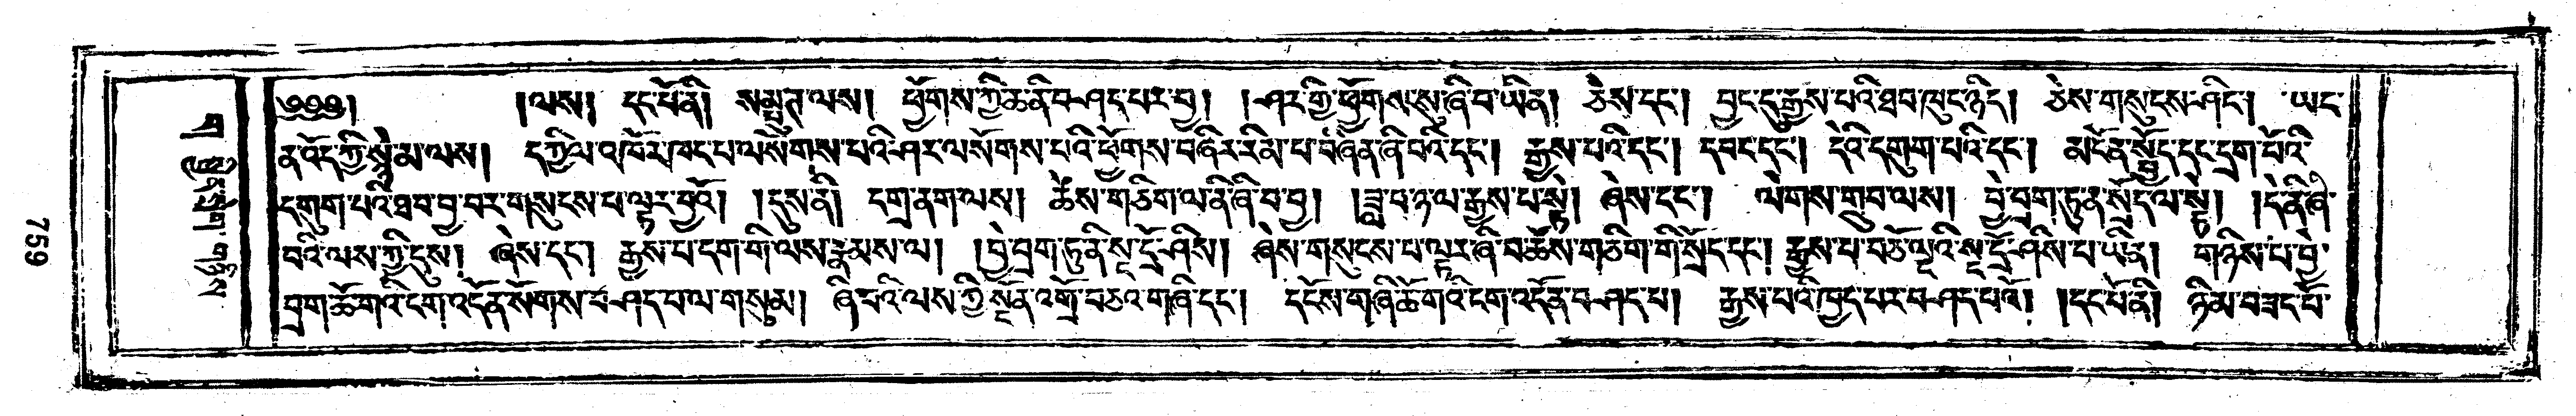༄༅། །ལས། དང་པོ་ནི། སམྤུ་ཊ་ལས། ཕྱོགས་ཀྱི་ཆ་ནི་བཤད་པར་བྱ། །ཤར་གྱི་ཕྱོགས་སུ་ཞི་བ་ཡིན། ཅེས་དང་། བྱང་དུ་རྒྱས་པའི་ཐབ་ཁུང་ཉིད། ཅེས་གསུངས་ཤིང་། ཡང་
ན་འོད་ཀྱི་སྙེ་མ་ལས། དཀྱིལ་འཁོར་ཁང་པ་ལ་སོགས་པའི་ཤར་ལ་སོགས་པའི་ཕྱོགས་བཞིར་རིམ་པ་བཞིན་ཞི་བའི་དབང་། རྒྱས་པའི་དང་། དབང་དང་། དེའི་དགུག་པའི་དང་། མངོན་སྤྱོད་དང་དྲག་པོའི་
དགུག་པའི་ཐབ་བྱ་བར་གསུངས་པ་ལྟར་བྱའོ། །དུས་ནི། དགྲ་ནག་ལས། ཚེས་གཅིག་ལ་ནི་ཞི་བ་བྱ། །ཟླ་བ་ཉ་ལ་རྒྱས་པ་སྟེ། ཞེས་དང་། ལེགས་གྲུབ་ལས། བྱེ་བྲག་ཏུ་ན་སྲོད་ལ་སྟེ། །དེ་ནི་ཞི་
བའི་ལས་ཀྱི་དུས། ཞེས་དང་། རྒྱས་པ་དག་གི་ལས་རྣམས་ལ། །བྱེ་བྲག་ཏུ་ནི་སྔ་དྲོ་ཤིས། ཞེས་གསུངས་པ་ལྟར་ཞི་བ་ཆོས་གཅིག་གི་སྲོད་དང་། རྒྱས་པ་བཅོ་ལྔའི་སྔ་དྲོ་ཤིས་པ་ཡིན། གཉིས་པ་བྱེ་
བྲག་ཆོ་གའི་ངག་འདོན་སོགས་བཤད་པ་ལ་གསུམ། ཞི་བའི་ལས་ཀྱི་སྔོན་འགྲོ་བཅའ་གཞི་དང་། དངོས་གཞི་ཆོ་གའི་ངག་འདོན་བཤད་པ། རྒྱས་པའི་ཁྱད་པར་བཤད་པའོ། །དང་པོ་ནི། ཉི་མ་བཟང་པོ་